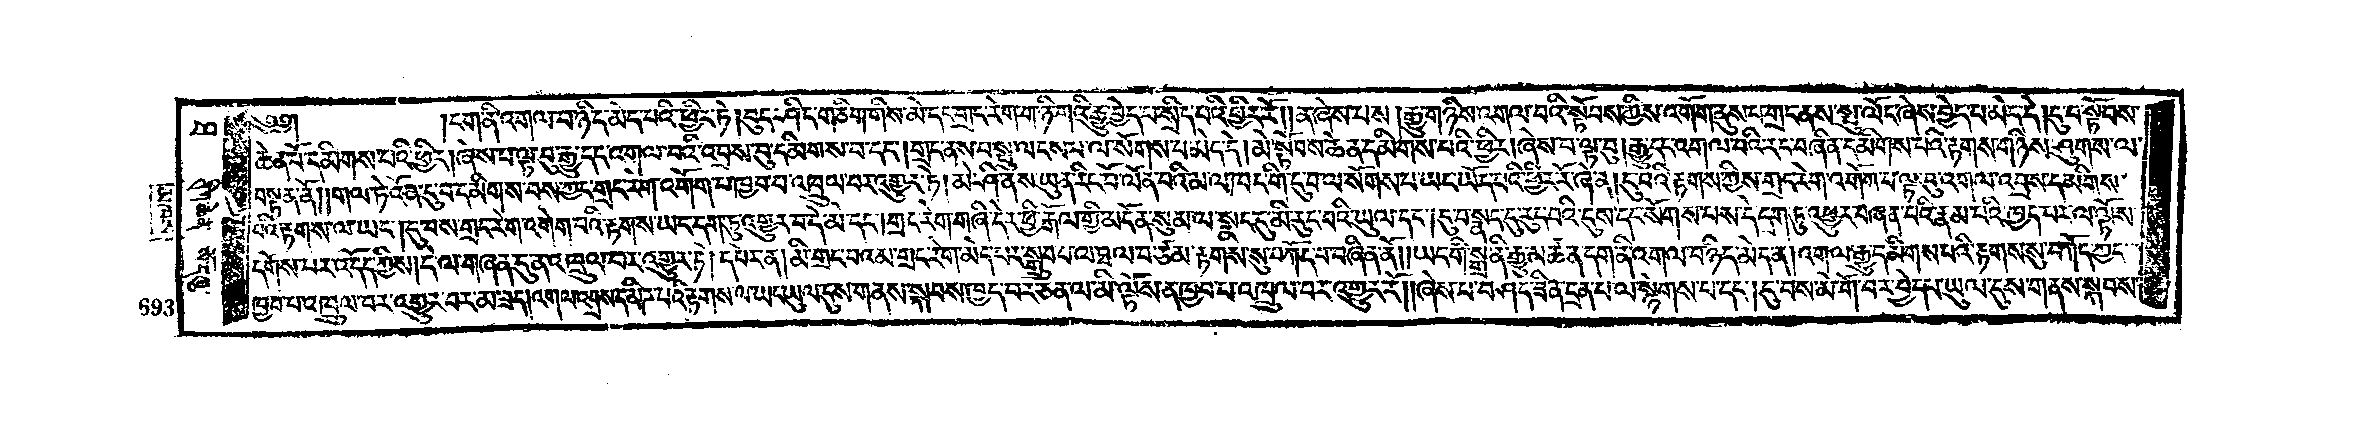༄༅། །དག་ནི་འགལ་བ་ཉིད་མེད་པའི་ཕྱིར་ཏེ། བུད་ཤིང་གཅིག་གིས་མེ་དང་གྲང་རེག་གཉི་གའི་རྒྱུ་བྱེད་པ་སྲིད་པའི་ཕྱིར་རོ། །ན་ཞེས་པས། རྒྱུ་གཉིས་འགལ་བའི་སྟོབས་ཀྱིས་འགོག་ནུས་པ་གྲང་ནས་སྤུ་ལོང་ཞེས་བྱེད་པ་མེད་དེ། དུ་བ་སྟོབས་
ཆེན་པོ་དམིགས་པའི་ཕྱིར། ཞེས་པ་ལྟ་བུ་རྒྱུ་དང་འགལ་བའི་འབྲས་བུ་དམིགས་པ་དང་། གྲང་ནས་བ་སྤུ་ལངས་པ་ལ་སོགས་པ་མེད་དེ། མེ་སྟོབས་ཆེན་དམིགས་པའི་ཕྱིར། ཞེས་པ་ལྟ་བུ། རྒྱུ་དང་འགལ་བའི་རང་བཞིན་དམིགས་པའི་རྟགས་གཉིས་ཤུགས་ལ་
བསྟན་ནོ། །གལ་ཏེ་འོ་ན་དུ་བ་དམིགས་པས་ཀྱང་གྲང་རེག་འགོག་པ་ཁྱབ་པ་འཁྲུལ་བར་འགྱུར་ཏེ། མེ་ཤི་ནས་ཡུན་རིང་པོ་ལོན་པའི་མལ་ཁང་གི་དུ་བ་ལ་སོགས་པ་ཡང་ཡོད་པའི་ཕྱིར་རོ་ཞེ་ན། དུ་བའི་རྟགས་ཀྱིས་གྲང་རེག་འགོག་པ་ལྟ་བུ་འགལ་འབྲས་དམིགས་
པའི་རྟགས་ལ་ཡང་། དུ་བས་གྲང་རེག་འགོག་པའི་རྟགས་ཡང་དག་ཏུ་འགྱུར་བ་དེ་མེ་དང་། གྲང་རེག་གཞི་དེར་ཕྱི་རྒོལ་གྱི་མངོན་སུམ་ལ་སྣང་དུ་མི་རུང་བའི་ཡུལ་དང་། དུ་བ་སྣང་དུ་རུང་བའི་དུས་དང་སོགས་པས་དེ་དྲག་ཏུ་འཕྱུར་བཞན་པའི་རྣམ་པའི་ཁྱད་པར་ལ་ལྟོས་
དགོས་པར་འདོད་ཀྱིས། དེ་ལ་གཞན་དུ་ན་འཁྲུལ་བར་འགྱུར་ཏེ། དཔེར་ན། མི་གྲང་བའམ་གྲང་རེག་མེད་པར་སྒྲུབ་པ་ལ་ཐལ་བ་ཙམ་རྟགས་སུ་བཀོད་པ་བཞིན་ནོ། །ཡང་གི་སྒྲ་ནི་རྒྱུ་མཚན་དག་ནི་འགལ་བ་ཉིད་མེད་ན། འགལ་རྒྱུ་དམིགས་པའི་རྟགས་སུ་བཀོད་ཀྱང་
ཁྱབ་པ་འཁྲུལ་བར་འགྱུར་བར་མ་ཟད། འགལ་འབྲས་དམིགས་པའི་རྟགས་ལ་ཡང་ཡུལ་དུས་གནས་སྐབས་ཁྱད་པར་ཅན་ལ་མི་ལྟོས་ན་ཁྱབ་པ་འཁྲུལ་པར་འགྱུར་རོ། །ཞེས་པ་བཤད་ཟིན་དྲན་པ་ལ་སྙེགས་པ་དང་། དུ་བས་མེ་གོ་བར་བྱེད་པ་ཡུལ་དུས་གནས་སྐབས་